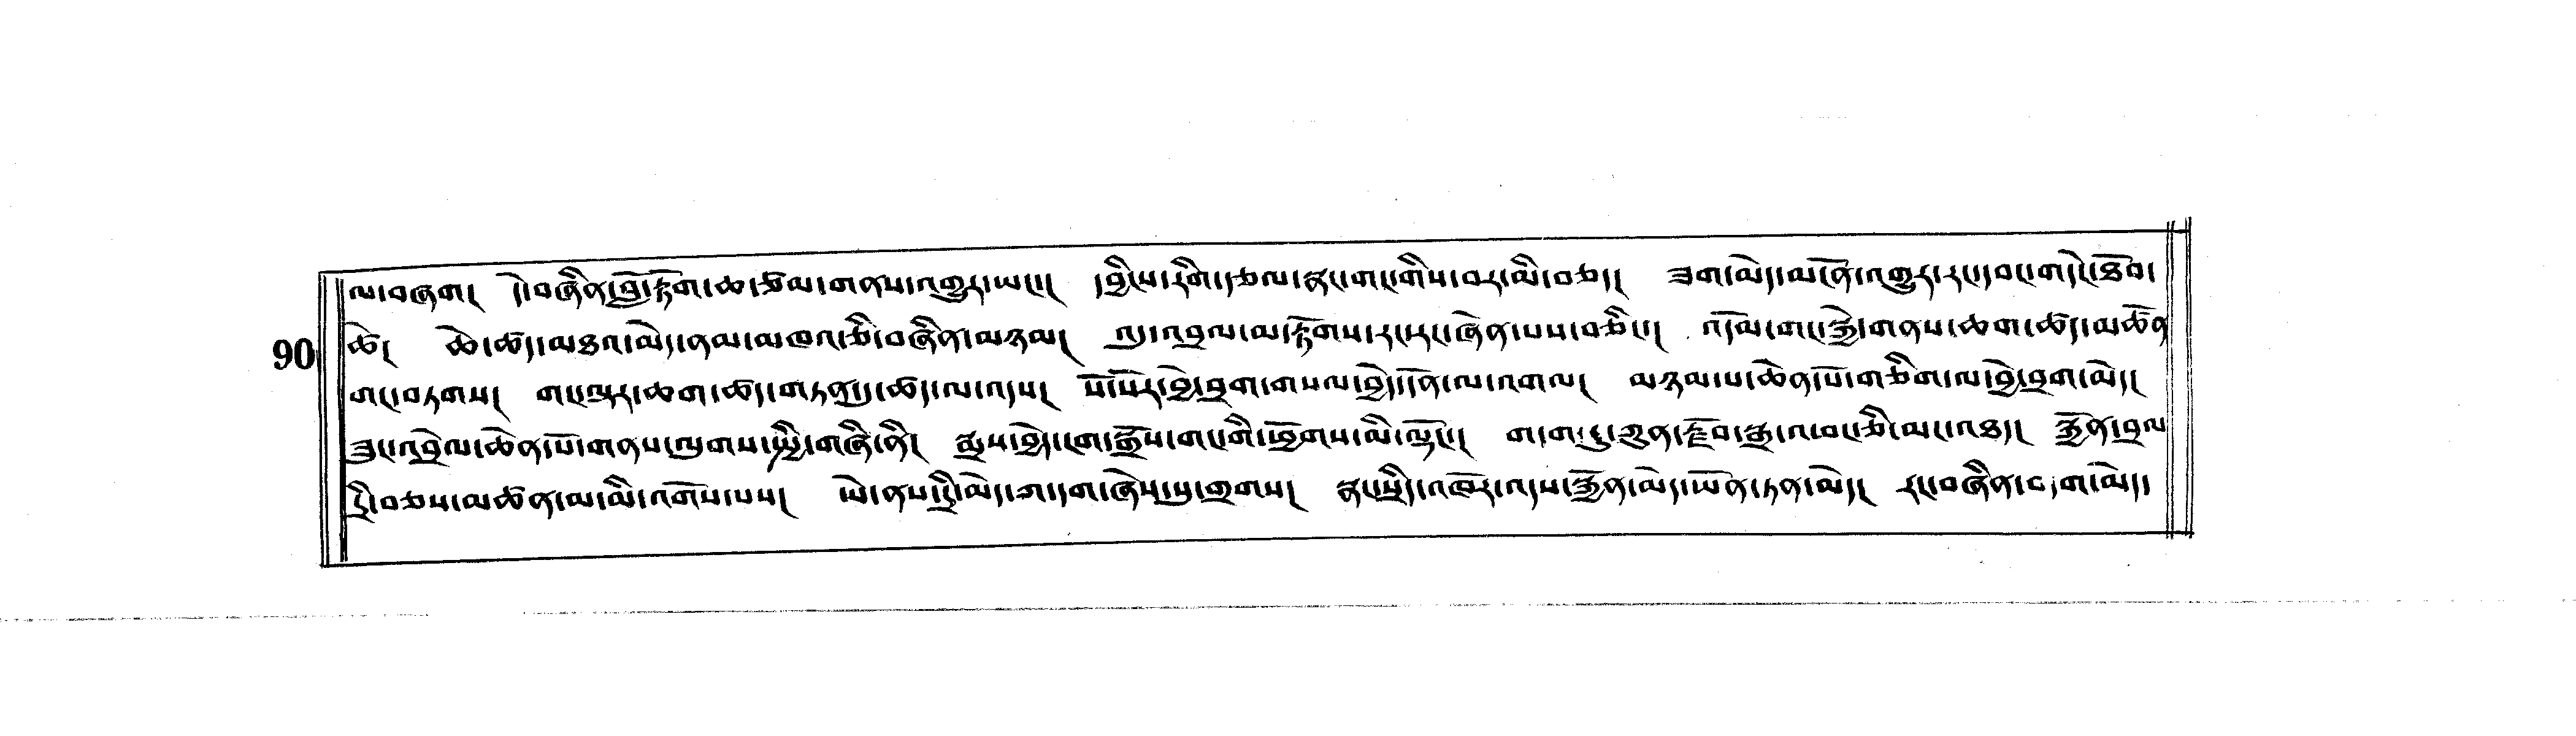ལ་བཞག དེ་བཞིན་བློ་རྟོག་ཆ་ཙམ་གནས་འགྱུར་ཡང་། དབྱིངས་རིག་རྩལ་སྣང་གང་གིས་བར་མི་བཅད། ཟག་མེད་མངོན་གྱུར་རང་དབང་གདེང་ཐོབ་
ཚེ། ཆེ་ཚད་མཐའ་མེད་ནམ་མཁའ་ཇི་བཞིན་མཉམ། འདུ་འབྲལ་མ་རྟོགས་རང་རང་ཞེན་པས་བཅིངས། འདོམ་གང་སྐྱེ་གནས་ཆག་ཚད་ཚོན་
གང་བཏགས། གང་ལྟར་ཆག་ཚད་གཏན་དུ་ཚད་ལས་འདས། སོ་སོར་བྱེ་བྲག་གསལ་བྱེད་དོན་ལ་འགལ། མཉམ་པ་ཆེན་པོ་གཅིག་ལ་བྱེ་བྲག་མེད། 
ཟུང་འབྲེལ་ཆེན་པོ་གནས་ལུགས་སྤྱི་གཞི་ནི། སྨྲས་བྱེད་ངག་སྒྲོས་གང་གི་ཕྱོགས་མི་ལྡོང་། གདག་ཏུ་ཀུན་རྫོབ་སྒྲ་འཕང་ཅི་མང་འཐད། སྐྱོན་བྲལ་
དྲི་བཅས་མཚན་མ་མི་འགོས་པས། ཡེ་ནས་དྲི་མེད་ཀ་དག་ཞེས་སུ་གྲགས། སྣང་སྲིད་འཁོར་འདས་སྐྱོན་མེད་ཡོན་ཏན་མེད། རང་བཞིན་བདག་མེད།